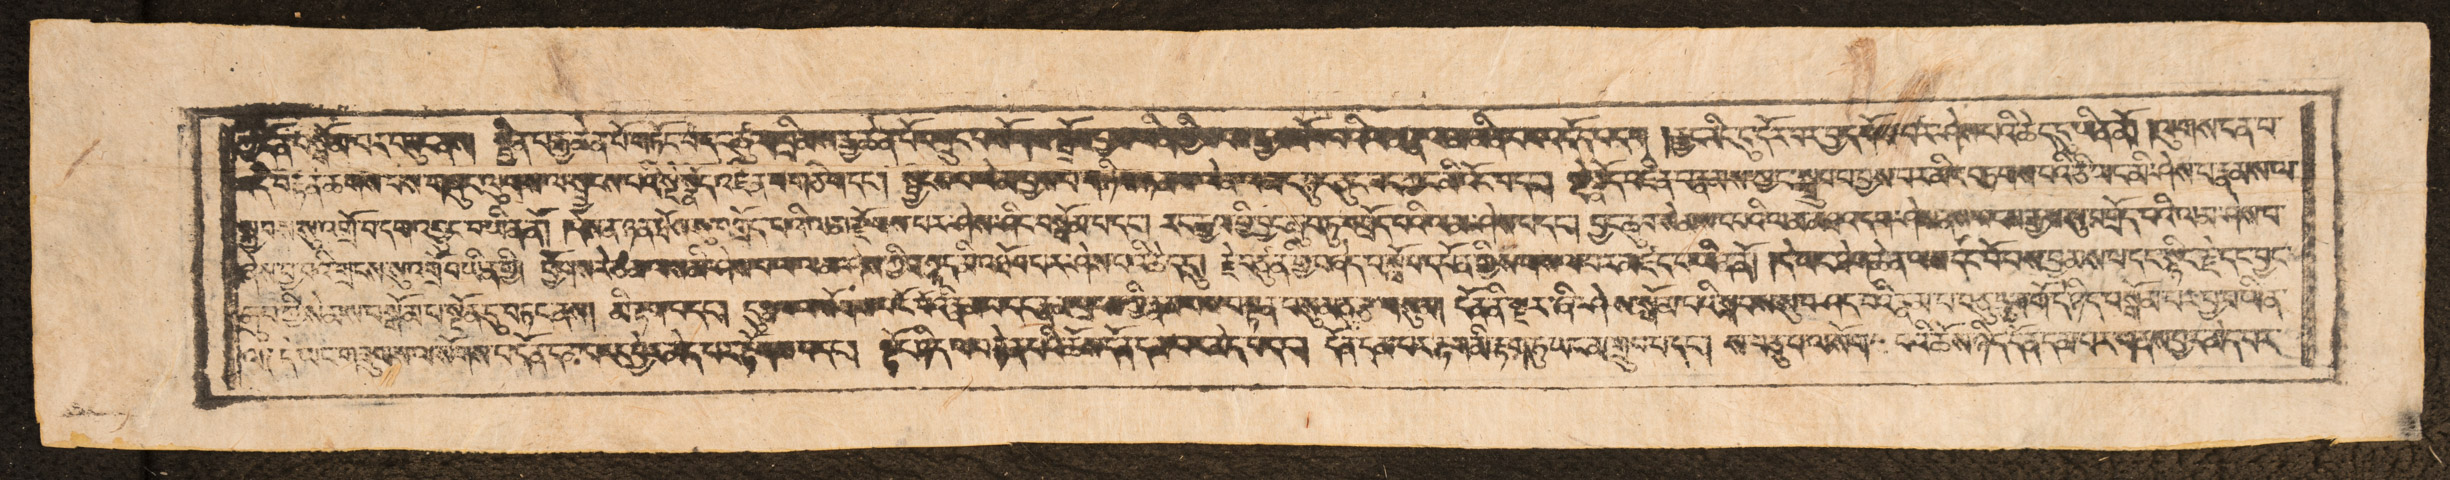ཀྱི་དོན་བསྒོམ་པར་བཟུང་ནས། སྦྱིན་པ་རྒྱ་ཆེན་པོ་གཏོང་བ་དང་ཚུལ་ཁྲིམས་རྒྱ་ཆེན་པོ་བསྲུང་བ་སོགས་སྤྲོས་བྱས་ཡིན་གྱི་སངས་རྒྱས་ཐོབ་པའི་ལམ་རྣལ་མ་མིན་པར་འདོད་པ་དག །རྒྱང་རིང་དུ་དོར་བར་བྱ་དགོས་པར་ཤེས་པའི་ཆེད་དུ་ཡིན་ནོ། །ལུགས་ངན་པ་
འདི་བརྟན་ཆགས་པས་གཞུང་ལུགས་ལ་སྦྱངས་པའི་སྡེ་སྣོད་འཛིན་པ་གཅིག་དང་། སྦྱངས་པ་ཡེ་མ་བྱས་པ་གཉིས་ཉམས་ལེན་ལ་མང་ཉུང་ཅུང་ཟད་ཀྱང་མི་འོང་བ་དང་། སྡེ་སྣོད་འཛིན་པ་རྣམས་ཀྱང་སྒྲུབ་པ་བྱས་པར་མིང་བཏགས་པའི་ཅི་ཡང་མི་ཤེས་པ་རྣམས་ལ་
སྐྱབས་སུ་འགྲོ་བ་དག་འབྱུང་བ་ཡིན་ནོ། །དེས་ན་ཉན་ཐོས་སུ་བགྲོད་པའི་ལམ་རྫོགས་པར་ཤེས་ཤིང་བསྒོམ་པ་དང་། རང་རྒྱལ་གྱི་བྱང་ཆུབ་ཏུ་བགྲོད་པའི་ལམ་ཤེས་པ་དང་། བྱང་ཆུབ་སེམས་དཔའི་ལམ་མཐའ་དག་ཤེས་ནས་སངས་རྒྱས་སུ་བགྲོད་པའི་ལམ་ཤེས་པ་
ཞེས་བྱ་བའི་གྲངས་སུ་འགྲོ་བ་ཡིན་གྱི། ཕྱོགས་རེ་ཙམ་ལས་མི་ཤེས་པ་ལ་ལམ་ཤེས་ཀྱི་ཐ་སྙད་མི་འཐོབ་པར་ཤེས་པའི་ཆེད་དུ། རྗེ་བཙུན་གྱི་བཞེད་པ་སློབ་དཔོན་གྱིས་གསལ་བར་མཛད་པ་ཡིན་ནོ། །དེ་ཡང་ཐེག་ཆེན་ལས་དང་པོ་པས་བྱམས་པ་དང་སྙིང་རྗེ་དང་བྱང་
ཆུབ་ཀྱི་སེམས་བསྒོམ་པ་སྔོན་དུ་བཏང་ནས། མི་རྟག་པ་དང་། དུཿ ཁ་ལ་སོགས་པ་ངོ་བོའི་རྣམ་པ་དང་རྣམ་གྲངས་ཀྱི་རྣམ་པས་བསྟན་པ་སུམ་ཅུ་རྩ་གསུམ། དོན་ནི་སྔར་ཞི་ཤེས་སྒོམ་པའི་སྐབས་སུ་བཤད་པའི་རྣམ་པ་བཅུ་དྲུག་གོ་དེ་ཉིད་བསྒོམ་པར་བྱ་བ་ཡིན་
ལ། དེ་ཡང་གཟུགས་ལ་སོགས་པ་དོན་དམ་པར་དབྱེར་མེད་པར་རྟོགས་པ་དང་། སྟོང་ཉིད་ལ་བརྟེན་པའི་ཆོས་དོན་དམ་པར་མེད་པ་དང་། དོན་དམ་པར་རྟག་མི་རྟག་ཏུ་ཡང་མ་གྲུབ་པ་དང་། ས་བཅུ་པ་ལ་སོགས་པའི་ཆོས་ཉིད་དོན་དམ་པར་གནས་བྱར་མེད་པར་